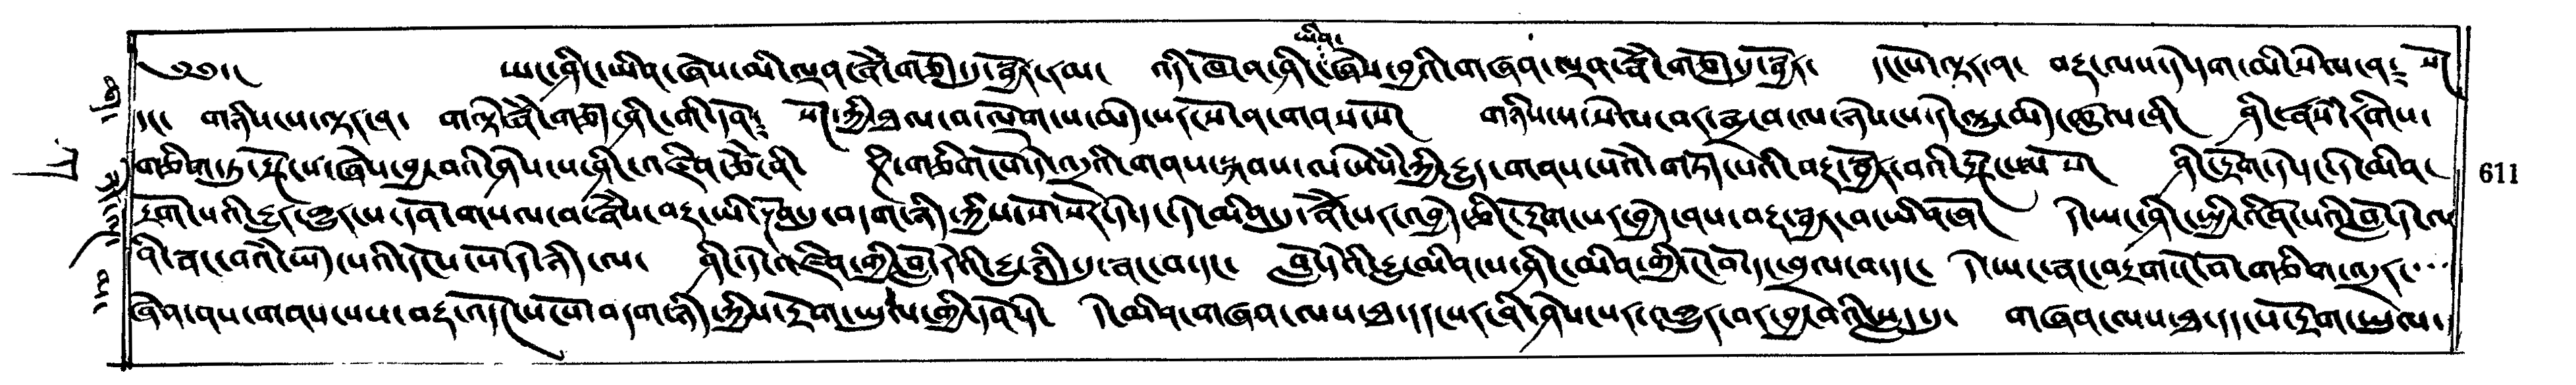ཡང་ཤིང་ཡིན་ཞེས་མི་ལྡན་རྣམ་གཅོད་དུ་སྦྱོར་རམ། འདི་ཁོ་ན་ཤིང་ཡིན་ཞེས་བྱའི་གཞན་ལྡན་རྣམ་གཅོད་དུ་སྦྱོར། དང་པོ་ལྟར་ན། བརྡ་ལས་དེ་དག་མི་སེལ་ན་༴ སོགས་
དང་། གཉིས་པ་ལྟར་ན། གལ་ཏེ་རྣམ་གཅོད་ཤིང་གི་དོན་༴ སོགས་ཀྱི་ཐལ་བ་ལྡོག་པ་མེད་པར་སོ་ན་གནས་སོ།། གཉིས་པར་སེལ་བར་སྨྲ་བ་ལ་ཉེས་པ་དེ་ལྟ་བུ་མེད་ཚུལ་ནི། ཤིང་རྣམས་རིགས་
གཅིག་ཏུ་རྟོགས་པ་ཞེས་བྱ་བའི་ཤེས་པ་ཤིང་འཛིན་ཙམ་ནི། རིགས་གཅིག་པོ་དེ་འདྲའི་གནས་སྐབས་ལ་སེམས་ཀྱི་རྒྱུད་གནས་པའམ་གཏོད་པའི་བརྡ་སྦྱོར་བའི་རྟོག་པས་སོ།། ཤིང་རྟོག་དེ་དང་དེ་མིན་
རྟོག་པའི་རྒྱུར་གྱུར་པ་དོན་གསལ་བ་རྣམས་བརྡའི་སྔོན་དུ་བདག་ཉིད་ཀྱིས་སོ་སོར་དེ་དང་དེ་མིན་དུ་རྣམ་པར་འབྱེད་ཅིང་རྟོག་པར་བྱེད་ནས་བརྡ་སྦྱར་བ་ཡིན་ནོ།། དེ་ཡང་ཤིང་སྤྱི་འཛིན་པའི་བློ་དེ་ལ་
ནི་སྣང་བའམ་ཡོད་པའི་དངོས་པོ་དེ་ཉིད་ལ། ཤིང་དེ་འཛིན་གྱི་བློ་དེའི་རྒྱུ་ཉིད་དུ་སྣང་བ་དང་། བློ་དེའི་རྒྱུ་མིན་པ་ཤིང་མིན་གྱི་ངོ་བོ་དང་བྲལ་བ་དང་། དེ་ཡང་སྣང་བརྟགས་ངོ་བོ་གཅིག་འདྲར་
ཞེན་ནས་གནས་པས་བརྡ་འདོགས་པ་པོ་བདག་ཉིད་ཀྱིས་རྟོག་ཡུལ་གྱི་དོན་དེ། དེ་མིན་གཞན་ལས་ཐ་དད་པར་ནི་ཤེས་པར་འགྱུར་བར་བྱ་བའི་སླད་དུ། གཞན་ལས་ཐ་དད་པའི་རྟོག་ཡུལ་